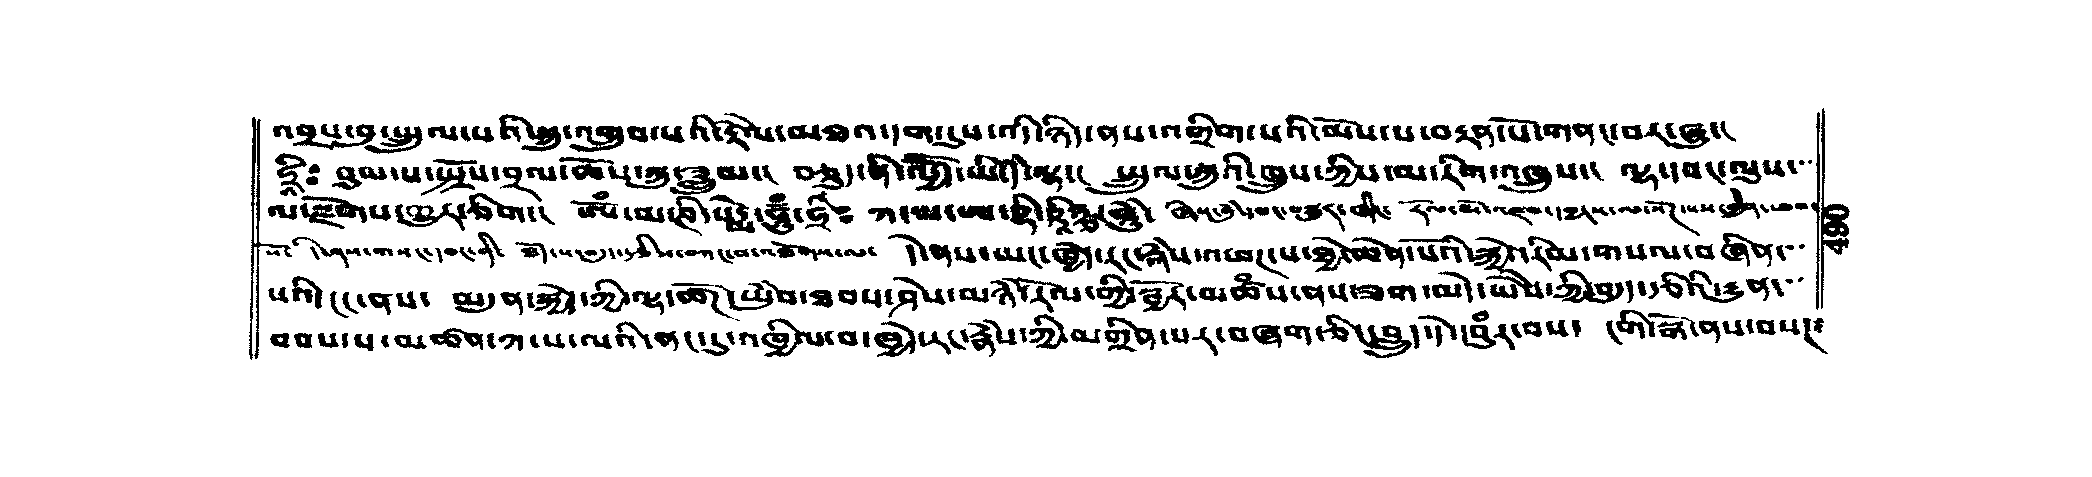འབྲས་བུ་སྤྲུལ་པའི་སྐུ་འགྲུབ་པའི་རྟེན་འབྲེལ་མཐའ་དག་དུས་འདི་ཉིད་ནས་འགྲིག་པའི་མོས་པ་བརྟན་པོ་གནང་བར་ཞུ། 
ཧྲཱིཿ བུམ་པ་སྤྲོས་བྲལ་ཆོས་སྐུ་ཟླུམ། །བཅུད་ནི་ལོངས་སྤྱོད་ཡི་དམ་ལྷ། །སྤྲུལ་སྐུའི་ཁྲུས་ཀྱིས་མ་རིག་འཁྲུས། །ལྷ་དབང་ལུས་
ལ་རྫོགས་གྱུར་ཅིག་ཨོྃ་མ་ཎི་པདྨེ་ཧཱུྃ་ཧྲིཿ ཀ་ཡ་ཨ་བྷི་རཱིཉྩ་ཧཱུྃ། ཞེས་བུམ་བསྐུར་ཞིང་། རོལ་མོ་འཛབ་དབྱངས་ལ་སོགས་པཨ་བྱིན་ཕབ་
སོ། དེ་ནས་གསང་དབང་ནི། ཐོད་པ་བདུད་རྩིས་བཀང་བ་འཐོགས་ལ། དེ་ནས་ཡང་ཁྱེད་རང་རྣམས་འཕགས་པ་ཐུགས་རྗེ་ཆེན་པོའི་སྐྱེད་རིམ་གསལ་བཞིན་
པའི་ངང་ནས། མདུན་བསྐྱེད་ཀྱི་ལྷ་ཚོགས་ཡབ་ཡུམ་ཐབས་ཤེས་མཉམ་སྦྱོར་གྱི་སྦྱོར་མཚམས་ནས་ཟག་མེད་ཡེ་ཤེས་ཀྱི་བདུད་རྩིའི་རྒྱུན་
བབས་པ་མཚན་ཀ་ས་ལའི་ནང་དུ་འཁྱིལ་བ་ཁྱོད་རང་རྣམས་ཀྱི་མགྲིན་པར་བཞག་ཅིང་བླུད་དེ་དབང་བསྐུར་བས། ངག་གི་སྒོ་ནས་བསགས་